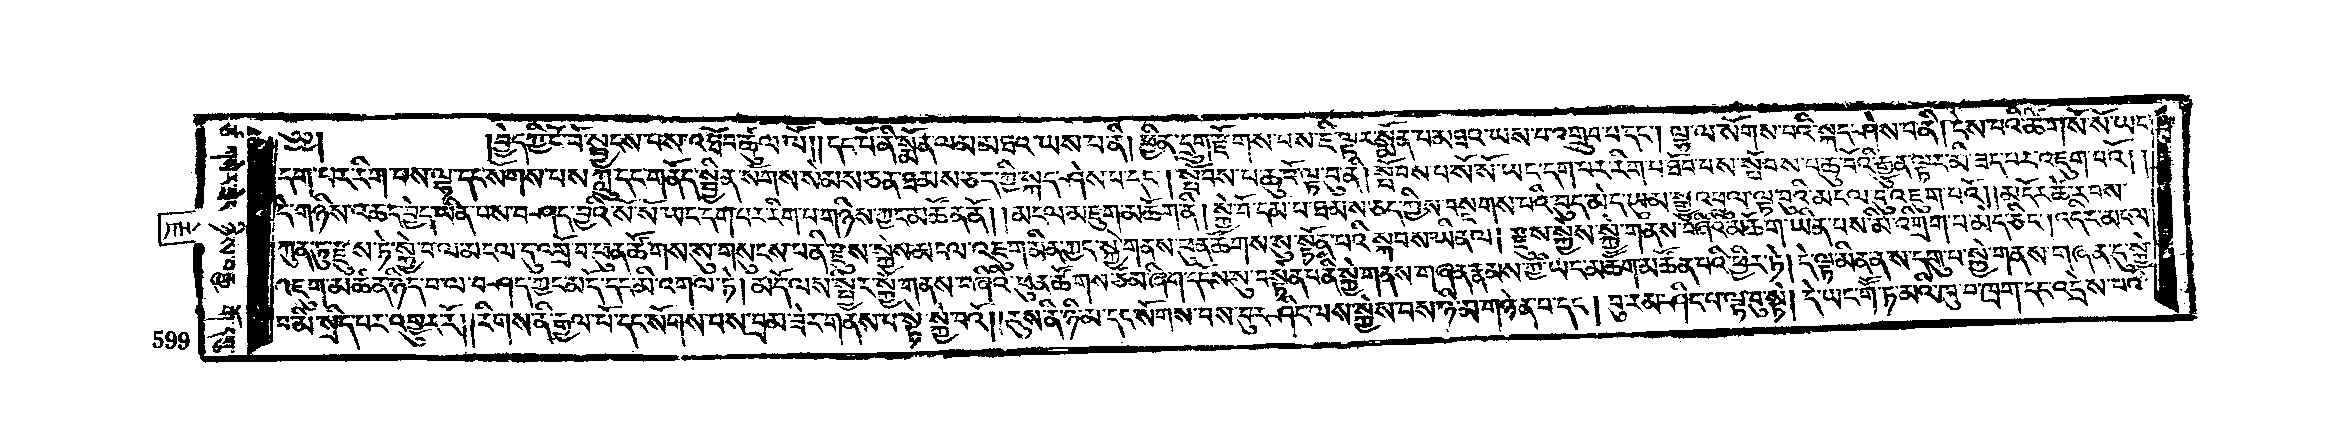༄༅། །བྱེད་ཀྱི་ངོ་བོ་སྦྱངས་བས་འཐོབ་ཚུལ་ལོ། །དང་པོ་ནི་སྨོན་ལམ་མཐའ་ཡས་པ་ནི། ཕྱིན་དྲུག་རྫོགས་པས་ཇི་ལྟར་སྨོན་པ་མཐའ་ཡས་པ་འགྲུབ་པ་དང་། ལྷ་ལ་སོགས་པའི་སྐད་ཤེས་པ་ནི། ངེས་པའི་ཚིག་སོ་སོ་ཡང་
དག་པར་རིག་པས་ལྷ་དང་སོགས་པས་ཀླུ་དང་གནོད་སྦྱིན་སོགས་སེམས་ཅན་ཐམས་ཅད་ཀྱི་སྐད་ཤེས་པ་དང་། སྤོབས་པ་ཆུ་བོ་ལྟ་བུ་ནི། སྤོབས་པ་སོ་སོ་ཡང་དག་པར་རིག་པ་ཐོབ་པས་སྤོབས་པ་ཆུ་བོའི་རྒྱུན་ལྟར་མི་ཟད་པར་འཇུག་པའོ། །
དེ་གཉིས་འཆད་བྱེད་ཡིན་པས་བཤད་བྱའི་སོ་སོ་ཡང་དག་པར་རིག་པ་གཉིས་ཀྱང་མཚོན་ནོ། །མངལ་མཇུག་མཆོག་ནི། སྐྱེ་བོ་དམ་པ་ཐམས་ཅད་ཀྱིས་བསྔགས་པའི་བུད་མེད་ཡུམ་སྒྱུ་འཕྲུལ་ལྟ་བུའི་མངལ་དུ་འཇུག་པའོ། །མདོར་ཚེ་རབས་
ཀུན་ཏུ་རྫས་ཏེ་སྐྱེ་བ་ལ་མངལ་དུ་འགྲོ་བ་ཕུན་ཚོགས་སུ་གསུངས་པ་ནི་རྫུས་སྐྱེས་མངལ་འཇུག་མིན་ཀྱང་སྐྱེ་གནས་ཕུན་ཚོགས་སུ་སྟོན་པའི་སྐབས་ཡིན་ལ། རྫུས་སྐྱེས་སྐྱེ་གནས་བཞིའི་མཆོག་ཡིན་པས་མི་འགྲིག་པ་མེད་ཅིང་། འདིར་མངལ་
འཇུག་མཚན་ཉིད་པ་ལ་བཤད་ཀྱང་མདོ་དང་མི་འགལ་ཏེ། མདོ་ལས་སྤྱིར་སྐྱེ་གནས་བཞིའི་ཕུན་ཚོགས་ཙམ་ཞིག་དངོས་སུ་བསྟེན་པ་ནི་སྐྱེ་གནས་གཞན་རྣམས་ཀྱི་ཡང་མཆོག་མཚོན་པའི་ཕྱིར་ཏེ། དེ་ལྟ་མིན་ན་ས་དགུ་པ་སྐྱེ་གནས་གཞན་དུ་སྐྱེ་
བ་མི་སྲིད་པར་འགྱུར་རོ། །རིགས་ནི་རྒྱལ་པོ་དང་སོགས་པས་བྲམ་ཟེར་གནས་པ་སྟེ་སྐྱེ་བའོ། །རུས་ནི་ཉི་མ་དང་སོགས་པས་བུར་ཤིང་ལས་སྐྱེས་བས་ཉི་མ་གཉེན་པ་དང་། བུ་རམ་ཤིང་པ་ལྟ་བུ་སྟེ། དེ་ཡང་གཽ་ཏ་མའི་ཁུ་བ་ཁྲག་དང་འདྲེས་པའི་